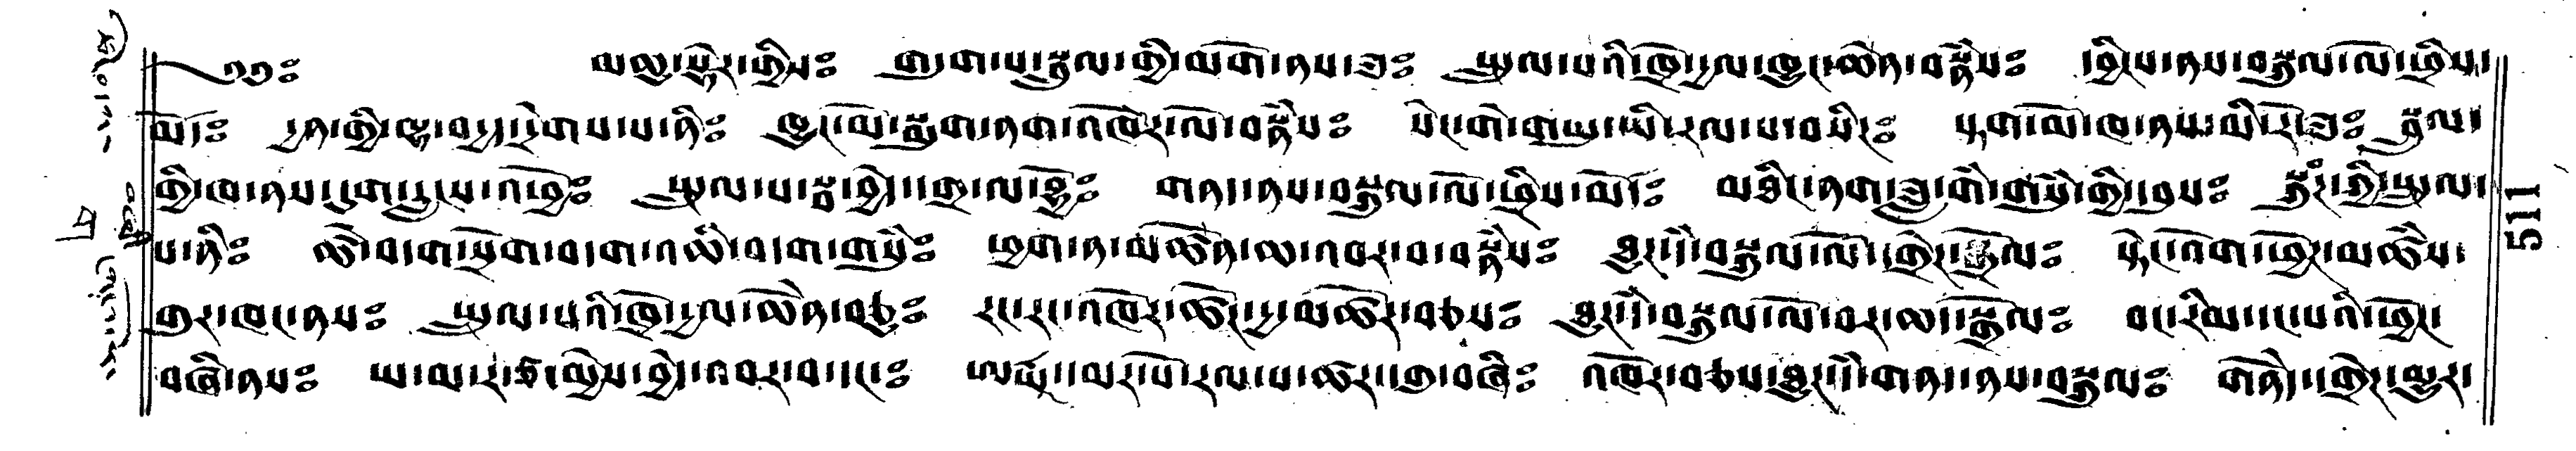མཆུ་སྡེར་གྱིས༔ གདུག་པ་སྦྲུལ་གྱི་མགོ་ནས་ཟ༔ སྤྲུལ་པའི་ཁྲོ་རྒྱལ་ཁྱུང་ཆེན་བསྣམས༔ དབྱིངས་ནས་བསྐུལ་ལོ་ཕྲིན་ལས་
མཛོད༔ རྒྱན་གྱི་ལྷ་བརྒྱད་དྲེགས་པ་ནི༔ ཁྱུང་མོ་སྨུག་ནག་འཁོར་ལོ་བསྣམས༔ སེང་གེ་གཡུ་ཡི་རལ་པ་གསིག༔ སྟག་མོ་ཁ་ནས་མི་རོ་ཟ༔ སྦྲུལ་
གྱི་ཁ་ནས་དུག་རླངས་འཕྱོ༔ སྤྲུལ་པ་སྦ་བྱེད་དགྲ་ལ་བྷྱོ༔ གནད་ནས་བསྐུལ་ལོ་ཕྲིན་ལས་མཛོད༔ མཐིང་ནག་ཟླ་གམ་གསུམ་གྱི་དབུས༔ སྐུ་གསུང་ཐུགས་ཀྱི་སྤྲུལ་
པ་ནི༔ ཚེ་བདག་སྲོག་བདག་འཆི་བདག་གསུམ༔ ཕྱག་ན་མཚོན་ཆ་འབར་བ་བསྣམས༔ ཐུགས་དམ་བསྐུལ་ལོ་དགྲ་བགེགས་སྒྲོལ༔ སྟེང་འོག་ཕྱོགས་མཚམས་
གུར་ཁང་ནས༔ སྤྲུལ་པའི་ཁྲོ་རྒྱལ་ཆེན་པོ་བཅུ༔ རང་རང་འཁོར་ཚོགས་རྒྱ་མཚོར་བཅས༔ ཐུགས་དམ་སྐུལ་ལོ་བར་ཆད་སྒྲོལ༔བང་རིམ་དང་པོ་ཕྱོགས་
བཞི་ནས༔ ཡ་མ་ར་ཙ་མྱས་བྱེད་འབར་བ་དང༔ ཨརྻཱ་དམར་པོ་རལ་པ་ཚར་དགུ་བཞི༔ འཁོར་བཅས་ཐུགས་དམ་གནད་ནས་བསྐུལ༔ གནོད་ཚེ་དགྲ་བགེགས་མྱུར་